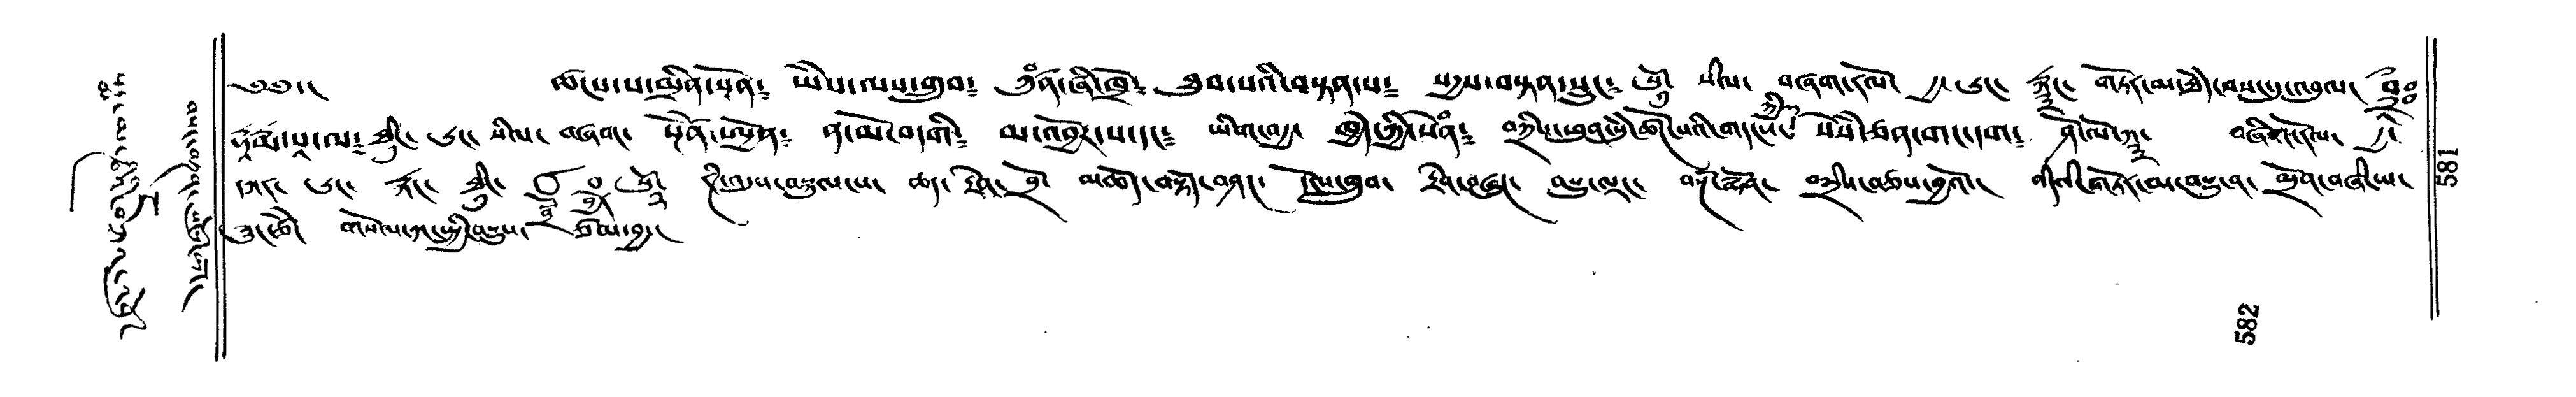ཚངས་པ་མགྲིན་སྔོན༴ ཡེ་ཤེས་ལས་གྲུབ༴ ཀུན་བཟང་ཞི་ཁྲོ༴ ཐུབ་པའི་བསྟན་པ༴ སངས་རྒྱས་བསྟན་སྲུང༴ སུམ་གཅིག སིལ། བཞག་རོལ། རྒྱ། དུང་། རྐང་གསུམ། གཏོར་མ་ཐམས་ཅད་བསང་དུ་འབུལ། ཤྲཱྀཿ
དྷརྨ་པཱ་ལ༴ ཐིང་གཅིག དུང་། སིལ།བཞག སྔོན་ཚེ་ཨོ་རྒྱན༴ ན་མོ། བདག་གི༴ མ་འབྱོར་པ་དང༴ ཡིག་བརྒྱ། ཁྱེད་ཀྱིས་སེམས་ཅན༴ བཀྲ་ཤིས་ཕུན་སུམ་ཚོགས་པའི་གདངས་ཀྱིས། སེམས་ཅན་གང་དག༴ ཤོ་ལོ་ཀ་གསུམ། ཞི་རོལ། རྒྱ། 
དཀར། དུང་། རྐང་། ཐིང་གཅིག སུམ་གཉིས། རིག་འདུས་བསྐུལ་པ། ཆད། བརྟན། བྲོ། མཆོད་བསྟོད་བཤགས། དངོས་གྲུབ། རྟེན་བཞུགས། བསྡུ་ལྡང་། བསྔོ་སྨོན། བཀྲ་ཤིས་བཅས་བྱའོ། །འདིའི་གཏོར་མ་བསྡུ་ན། མགྲོན་བཞི་ཡ་
ཟུང་ཙམ། གསོལ་ཀ་སྤྱི་བསྡུས་ཙམ་བྱ། དགེའོ།།